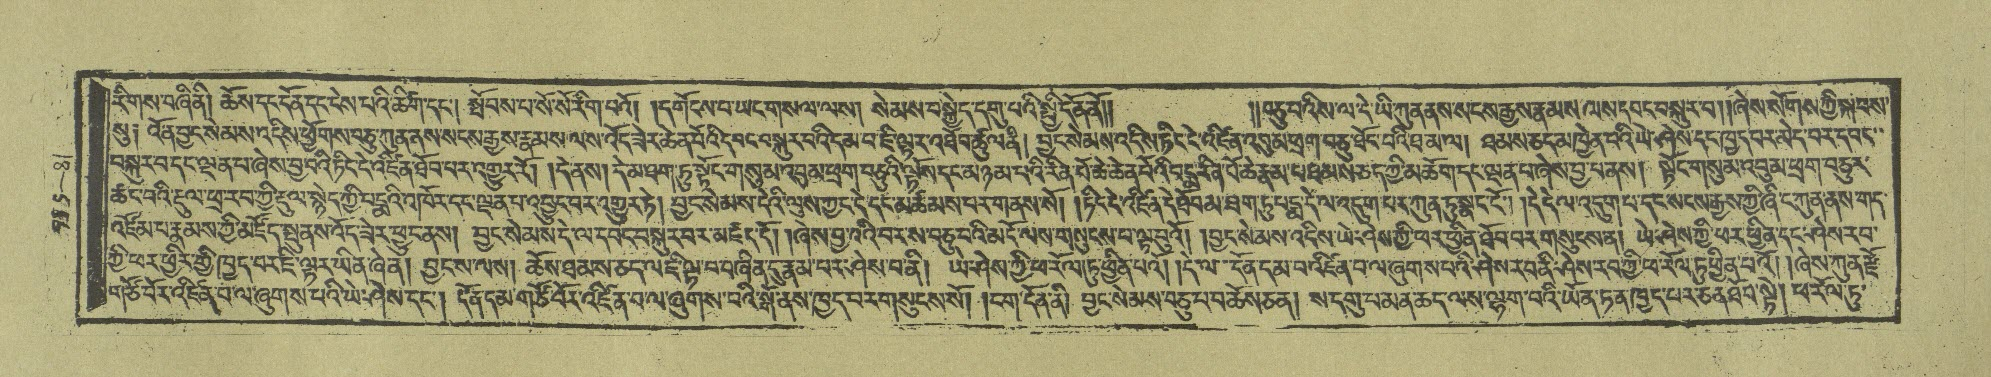རིགས་བཞི་ནི། ཆོས་དང་དོན་དང་ངེས་པའི་ཚིག་དང་། སྤོབས་པ་སོ་སོ་རིག་པའོ། །དགོངས་པ་ཡང་གསལ་ལས། སེམས་བསྐྱེད་དགུ་པའི་སྤྱི་དོན་ནོ།། །།བཅུ་པའི་ས་ལ་དེ་ཡི་ཀུན་ནས་སངས་རྒྱས་རྣམས་ལས་དབང་བསྐུར་བ། །ཞེས་སོགས་ཀྱི་སྐབས་
སུ། འོ་ན་བྱང་སེམས་འདིས་ཕྱོགས་བཅུ་ཀུན་ནས་སངས་རྒྱས་རྣམས་ལས་འོད་ཟེར་ཆེན་པོའི་དབང་བསྐུར་བའི་དམ་པ་ཇི་ལྟར་འཐོབ་ཚུལ་ནི། བྱང་སེམས་འདིས་ཏིང་ངེ་འཛིན་འབུམ་ཕྲག་བཅུ་ཐོབ་པའི་ཐ་མ་ལ། ཐམས་ཅད་མཁྱེན་པའི་ཡེ་ཤེས་དང་ཁྱད་པར་མེད་པར་དབང་
བསྐུར་བ་དང་ལྡན་པ་ཞེས་བྱ་བའི་ཏིང་ངེ་འཛིན་ཐོབ་པར་འགྱུར་རོ། །དེ་ནས། དེ་མ་ཐག་ཏུ་སྟོང་གསུམ་འབུམ་ཕྲག་བཅུའི་ལྟོས་དང་མཉམ་པའི་རིན་པོ་ཆེ་ཆེན་པོའི་པདམ་རིན་པོ་ཆེ་རྣམ་པ་ཐམས་ཅད་ཀྱི་མཆོག་དང་ལྡན་པ་ཞེས་བྱ་བ་ནས། སྟོང་གསུམ་འབུམ་ཕྲག་བཅུར་
ཚང་བའི་རྡུལ་ཕྲ་རབ་ཀྱི་རྡུལ་སྙེད་ཀྱི་པདམའི་འཁོར་དང་ལྡན་པ་འབྱུང་བར་འགྱུར་ཏེ། བྱང་སེམས་དེའི་ལུས་ཀྱང་དེ་དང་མཚམས་པར་གནས་སོ། །ཏིང་ངེ་འཛིན་དེ་ཐོབ་མ་ཐག་ཏུ་པདམ་དེ་ལ་འདུག་པར་ཀུན་ཏུ་སྣང་ངོ། །དེ་དེ་ལ་འདུག་པ་དང་སངས་རྒྱས་ཀྱི་ཞིང་ཀུན་ནས་གདན་
འཛོམ་པ་རྣམས་ཀྱི་མཛོད་སྤུ་ནས་འོད་ཟེར་ཕྱུང་ནས། བྱང་སེམས་དེ་ལ་དབང་བསྐུར་བར་མཛད་དོ། །ཞེས་བྱ་བའི་བར་ས་བཅུ་པའི་མདོ་ལས་གསུངས་པ་ལྟ་བུའོ། །བྱང་སེམས་འདིས་ཡེ་ཤེས་ཀྱི་ཕར་ཕྱིན་ཐོབ་པར་གསུངས་ན། ཡེ་ཤེས་ཀྱི་ཕར་ཕྱིན་དང་ཤེས་རབ་
ཀྱི་ཕར་ཕྱིན་གྱི་ཁྱད་པར་ཇི་ལྟར་ཡིན་ཞེ་ན། བྱང་ས་ལས། ཆོས་ཐམས་ཅད་ལ་ཇི་ལྟ་བ་བཞིན་དུ་རྣམ་པར་ཤེས་པ་ནི། ཡེ་ཤེས་ཀྱི་ཕ་རོལ་ཏུ་ཕྱིན་པའོ། །དེ་ལ་དོན་དམ་པ་འཛིན་པ་ལ་ཞུགས་པའི་ཤེས་རབ་ནི་ཤེས་རབ་ཀྱི་ཕ་རོལ་ཏུ་ཕྱིན་པའོ། །ཞེས་ཀུན་རྫོབ་
གཙོ་བོར་འཛིན་པ་ལ་ཞུགས་པའི་ཡེ་ཤེས་དང་། དོན་དམ་གཙོ་བོར་འཛིན་པ་ལ་ཞུགས་པའི་སྒོ་ནས་ཁྱད་པར་གསུངས་སོ། །ངག་དོན་ནི། བྱང་སེམས་བཅུ་པ་བ་ཆོས་ཅན། ས་དགུ་པ་མན་ཆད་ལས་ལྷག་པའི་ཡོན་ཏན་ཁྱད་པར་ཅན་ཐོབ་སྟེ། ཕ་རོལ་ཏུ་